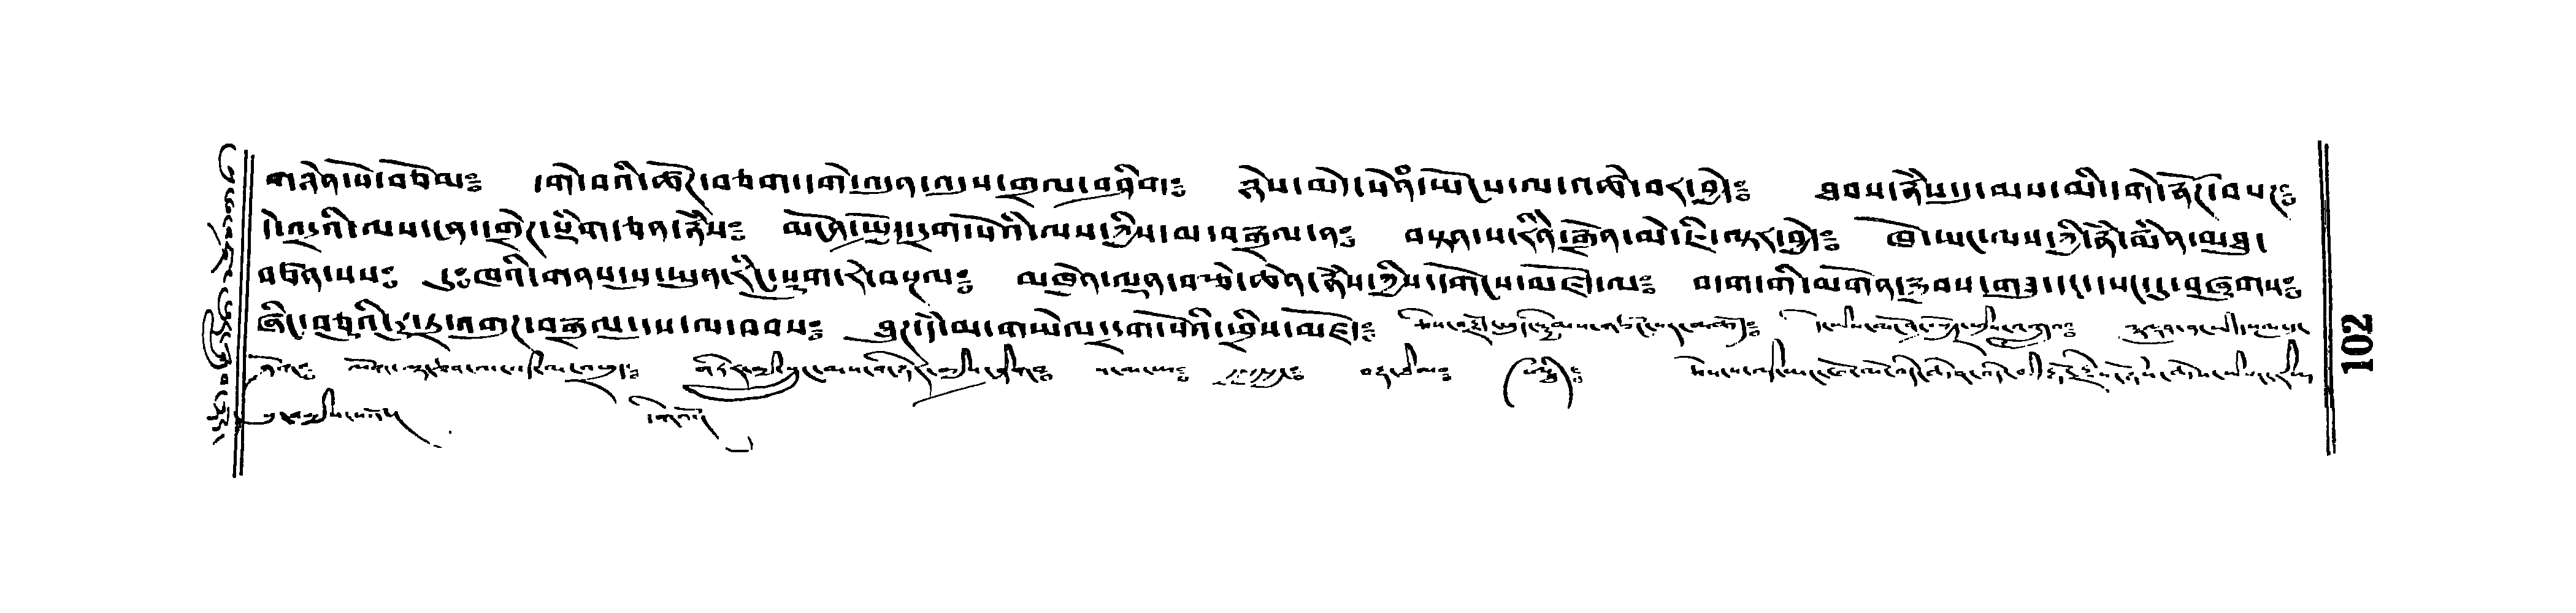གཉེན་པོ་བཅོམ༔ དགེ་བའི་ཚོགས་བཅག་དགེ་འདུན་འདུས་གྲལ་བཤིག༔ ཉེས་མེད་སེམས་ཅན་ཡོངས་ལ་འཚེ་བར་བྱེད༔ ཐབས་རྣམས་དུ་མས་མི་དགེ་སྣ་ཚོགས་བསགས༔ 
དེ་འདྲའི་ལས་ངན་དགྲ་བགེགས་སྡིག་ཅན་རྣམས༔ མངོན་སྤྱོད་དྲག་པོའི་ལས་ཀྱིས་མ་བསྒྲལ་ན༔ བསྟན་པ་རིན་ཆེན་སྒྲོན་མེ་ཇི་ལྟར་བྱེད༔ ཁོ་ཡང་ལས་ཀྱི་རྣམ་སྨིན་མཐུ་
བཙན་པས༔ དུཿཁའི་གནས་སུ་ཡུན་རིང་སྡུག་རེ་བསྔལ༔ མཁྱེན་ལྡན་བརྩེ་ཆེན་རྣམས་ཀྱིས་དགོངས་མཛོད་ལ༔ བདག་གི་མགོན་སྐྱབས་གཟུ་དང་དཔང་དུ་བཞུགས༔ 
ཞིང་བཅུའི་རུ་ཏྲ་འགུགས་བསྒྲལ་དུས་ལ་བབས༔ ཐུགས་དམ་མ་གཡེལ་དྲག་པོའི་ཕྲིན་ལས་མཛོད༔ ཅེས་བརྗོད་ཕུད་སྐྱེམས་གཙང་སར་མཆོད༔ དེ་ཡིས་མངོན་སྤྱོད་ཕྲིན་ལས་འགྲུབ༔ སྐལ་ལྡན་བུ་ཡི་དཔལ་དུ་
ཤོག༔ ལོག་ལྟ་ཅན་ལ་འདི་མ་འཕྲད༔ གཏེར་གྱི་སྲུང་མས་གཉེར་གྱིས་ཤིག༔ ས་མ་ཡ༔ རྒྱ་རྒྱ་རྒྱ༔ བརྡ་ཐིམ༔ ༔ ཅེས་པ་འདི་ཡང་ཁོ་མོ་བདེ་ཆེན་བདེ་བའི་རྡོ་རྗེས་ཉམས་ཆོས་ཡིག་རིས་
སུ་བགྱིས་པའོ།། དགེའོ།།